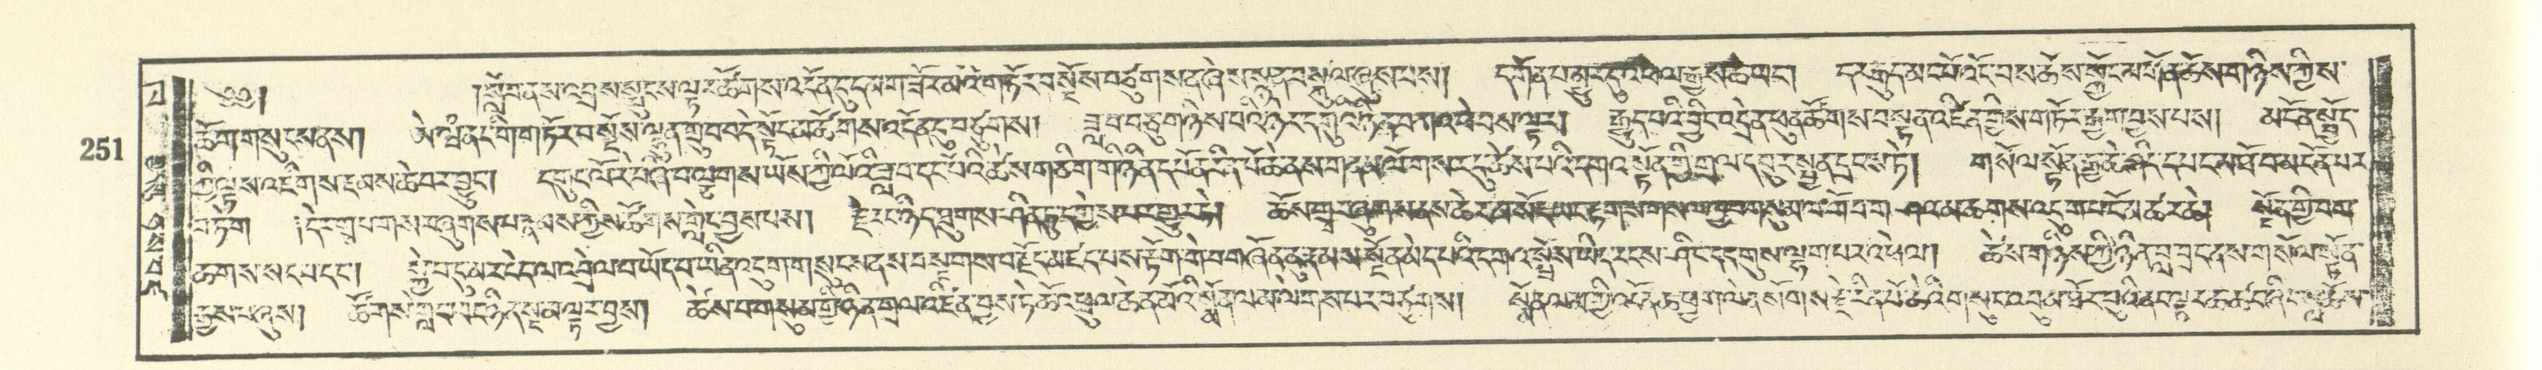༄༅། །སློབ་ནས་འབྲས་སྤུངས་ལྟར་ཚོགས་འདོན་དུ་དམག་ཟོར་མའི་གཏོར་བསྔོས་བཙུགས་ན་ཞེས་སྙན་བསྐུལ་ཞུས་པས། དགོན་པ་མྱུར་དུ་འཕེལ་རྒྱས་ཆེ་ཡང་། དར་རྒུད་མང་པོ་འོང་བས་ཆོས་སྐྱོང་མགོན་ཆོས་གཉིས་ཀྱིས་
ཆོག་གསུངས་ནས། ཨེ་ཝཾ་ནང་གི་གཏོར་བསྔོས་ལྷུན་གྲུབ་བདེ་སྟོང་མ་ཚོགས་འདོན་དུ་བཙུགས། ཟླ་བ་བཅུ་གཉིས་པའི་ཉེར་དགུའི་ཉིན་བཀའ་ཕེབས་ལྟར། རྒྱུད་པའི་བྱིང་འདྲེན་ཕུན་ཚོགས་བསྟན་འཛིན་གྱིས་གཏོར་རྒྱག་བྱས་པས། མངོན་སྤྱོད་
ཀྱི་ལྟས་འཇིགས་རྔམས་ཆེ་བར་བྱུང་། དགུང་ལོ་རེ་བཞི་པ་ལྕགས་ཡོས་ཀྱི་ལོའི་ཟླ་བ་དང་པོའི་ཚེས་གཅིག་གི་ཉིན་དཔོན་རིན་པོ་ཆེ་ནས་གནམ་ལོ་གསར་དུ་ཚེས་པའི་དགའ་སྟོན་གྱི་གྲལ་དབུར་སྤྱན་དྲངས་ཏེ། གསོལ་སྟོན་རྒྱ་ཆེ་ཞིང་དཔང་མཐོ་བ་མངོན་པར་
བཏེག །དེར་གྲྭ་པ་གསར་ཞུགས་པ་རྣམས་ཀྱིས་ཚོགས་གླེང་བྱས་པས། རྗེ་རང་ཉིད་ཐུགས་ཤིན་ཏུ་དགྱེས་པར་གྱུར་ཏེ། ཆོས་གྲྭར་ཞུགས་ནས་ཆེར་མ་སོང་ཡང་རྟགས་གསལ་ཁྱབ་གསུམ་ལ་གོ་བ་གཤའ་མ་ཆགས་འདུག་པ་ངོ་མཚར་ཆེ། སྔོན་གྱི་བག་
ཆགས་སང་པ་དང་། སྐྱེ་བ་དུ་མར་ངེད་ལ་འབྲེལ་བ་ཡོད་པ་ཡིན་འདུག་གསུངས་ནས་བསྔགས་བརྗོད་མཛད་པས་རྟོག་གེ་བ་གཞོན་ནུ་རྣམས་སྔོན་མེད་པའི་དགའ་སྤྲོས་ཡིད་རངས་ཤིང་དད་གུས་ལྷག་བར་འཕེལ། ཚེས་གཉིས་ཀྱི་ཉིན་བླ་བྲང་ནས་གསོལ་སྟོན་
རྒྱས་པ་ཞུས། ཚོགས་གླེང་ཡང་ཉིན་སྔ་མ་ལྟར་བྱས། ཚེས་པ་གསུམ་གྱི་ཉིན་གྲལ་འཛིན་བྱས་ཏེ་ཆོ་འཕྲུལ་ཆེན་མོའི་སྨོན་ལམ་ལེགས་པར་བཙུགས། སྨོན་ལམ་གྱི་འདོན་ཆ་ཕྱག་ལེན་སོགས་རྗེ་རིན་པོ་ཆེའི་གསུང་འབུམ་ཐོར་བུའི་ནང་ལྟར་ཆ་ཚང་ཞིང་སླ་ཆོས་